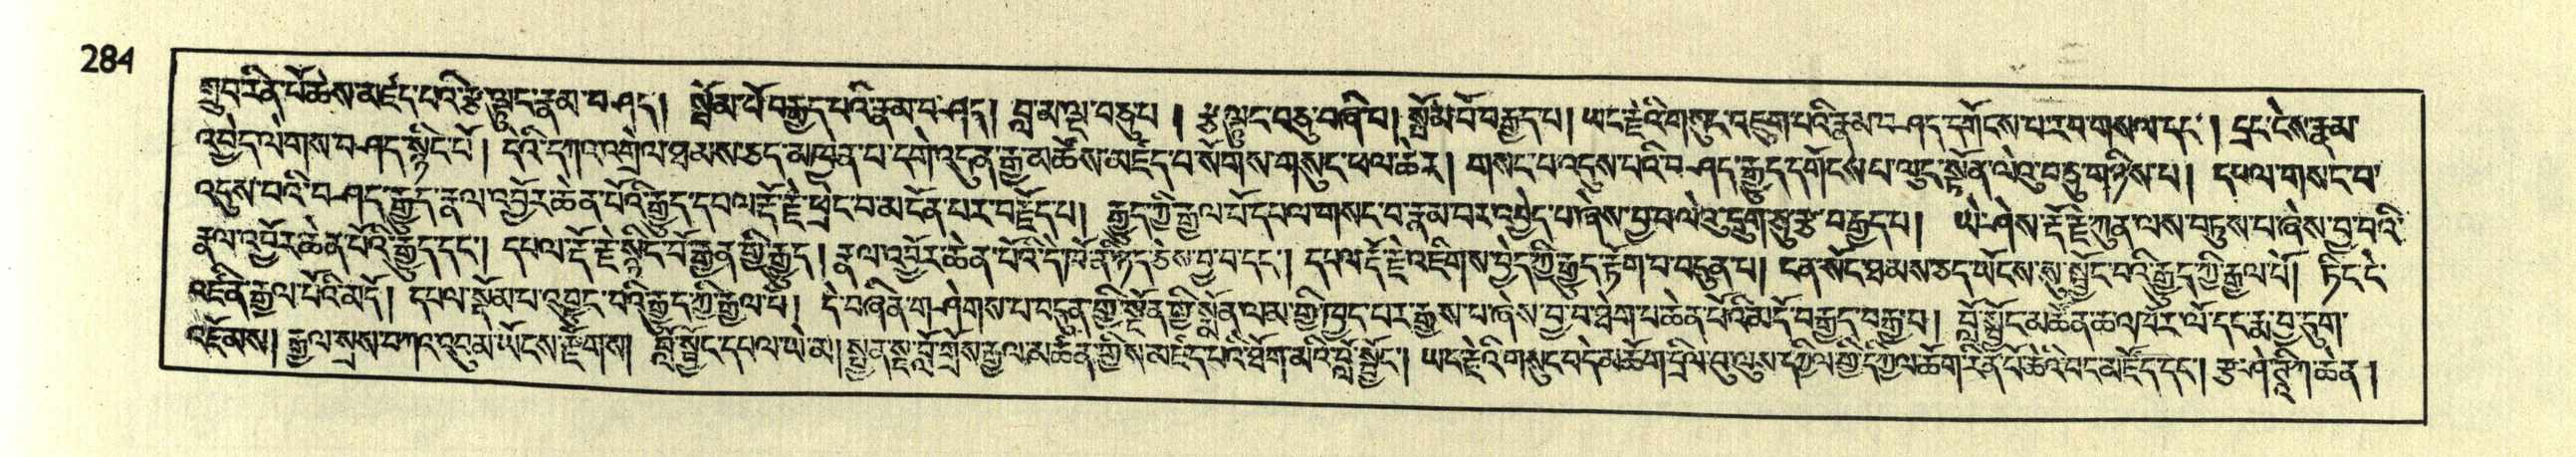གྲུབ་རིན་པོ་ཆེས་མཛད་པའི་རྩ་ལྟུང་རྣམ་བཤད། སྦོམ་པོ་བརྒྱད་པའི་རྣམ་བཤད། བླ་མ་ལྔ་བཅུ་པ་།རྩ་ལྟུང་བཅུ་བཞི་པ། སྤོམ་པོ་བརྒྱད་པ། ཡང་རྗེའི་གསུང་འཇུག་པའི་རྣམ་བཤད་དགོངས་པ་རབ་གསལ་དང་། དྲང་ངེས་རྣམ་
འབྱེད་ལེགས་བཤད་སྙིང་པོ། དེའི་དཀའ་འགྲེལ་ཐམས་ཅད་མཁྱེན་པ་དགེ་འདུན་རྒྱ་མཚོས་མཛད་པ་སོགས་གསུང་ཕལ་ཆེར། གསང་པ་འདུས་པའི་བཤད་རྒྱུད་དགོངས་པ་ལུང་སྟོན་ལེའུ་བཅུ་གཉིས་པ། དཔལ་གསང་བ་
འདུས་པའི་བཤད་རྒྱུད་རྣལ་འབྱོར་ཆེན་པོའི་རྒྱུད་དཔལ་རྡོ་རྗེ་ཕྲེང་བ་མངོན་པར་བརྗོད་པ། རྒྱུད་ཀྱི་རྒྱལ་པོ་དཔལ་གསང་བ་རྣམ་པར་འབྱེད་པ་ཞེས་བྱ་བ་ལེའུ་དྲུག་ཅུ་རྩ་བརྒྱད་པ། ཡེ་ཤེས་རྡོ་རྗེ་ཀུན་ལས་བཏུས་པ་ཞེས་བྱ་བའི་
རྣལ་འབྱོར་ཆེན་པོའི་རྒྱུད་དང་། དཔལ་རྡོ་རྗེ་སྙིང་པོ་རྒྱན་གྱི་རྒྱུད། རྣལ་འབྱོར་ཆེན་པོའི་དེ་ཁོ་ན་ཉིད་ཅེས་བྱ་བ་དང་། དཔལ་རྡོ་རྗེ་འཇིགས་བྱེད་ཀྱི་རྒྱུད་རྟོག་བ་བདུན་པ། ངན་སོང་ཐམས་ཅད་ཡོངས་སུ་སྦྱོང་བའི་རྒྱུད་ཀྱི་རྒྱལ་པོ། ཏིང་ངེ་
འཛིན་རྒྱལ་པོའི་མདོ། དཔལ་སྡོམ་པ་འབྱུང་བའི་རྒྱུད་ཀྱི་རྒྱལ་པོ། དེ་བཞིན་གཤེགས་པ་བདུན་གྱི་སྔོན་གྱི་སྨོན་ལམ་གྱི་ཁྱད་པར་རྒྱས་པ་ཞེས་བྱ་བ་ཐེག་པ་ཆེན་པོའི་མདོ་བརྒྱད་བརྒྱ་པ། བློ་སྦྱོང་མཚོན་ཆ་འཁོར་ལོ་དང་རྨ་བྱ་དུག་
འཇོམས། རྒྱལ་སྲས་བཀའ་འབུམ་ཡོངས་རྫོགས། བློ་སྦྱོང་དཔལ་ཡེ་མ། སྤྱན་སྔ་བློ་གྲོས་རྒྱལ་མཚན་གྱིས་མཛད་པའི་ཐོག་མའི་བློ་སྦྱོང་། ཡང་རྗེའི་གསུང་བདེ་མཆོག་དྲིལ་བུ་ལུས་དཀྱིལ་གྱི་དཀྱིལ་ཆོག་རིན་པོ་ཆེའི་བང་མཛོད་དང་། རྩ་ཤེ་ཊཱིཀ་ཆེན།